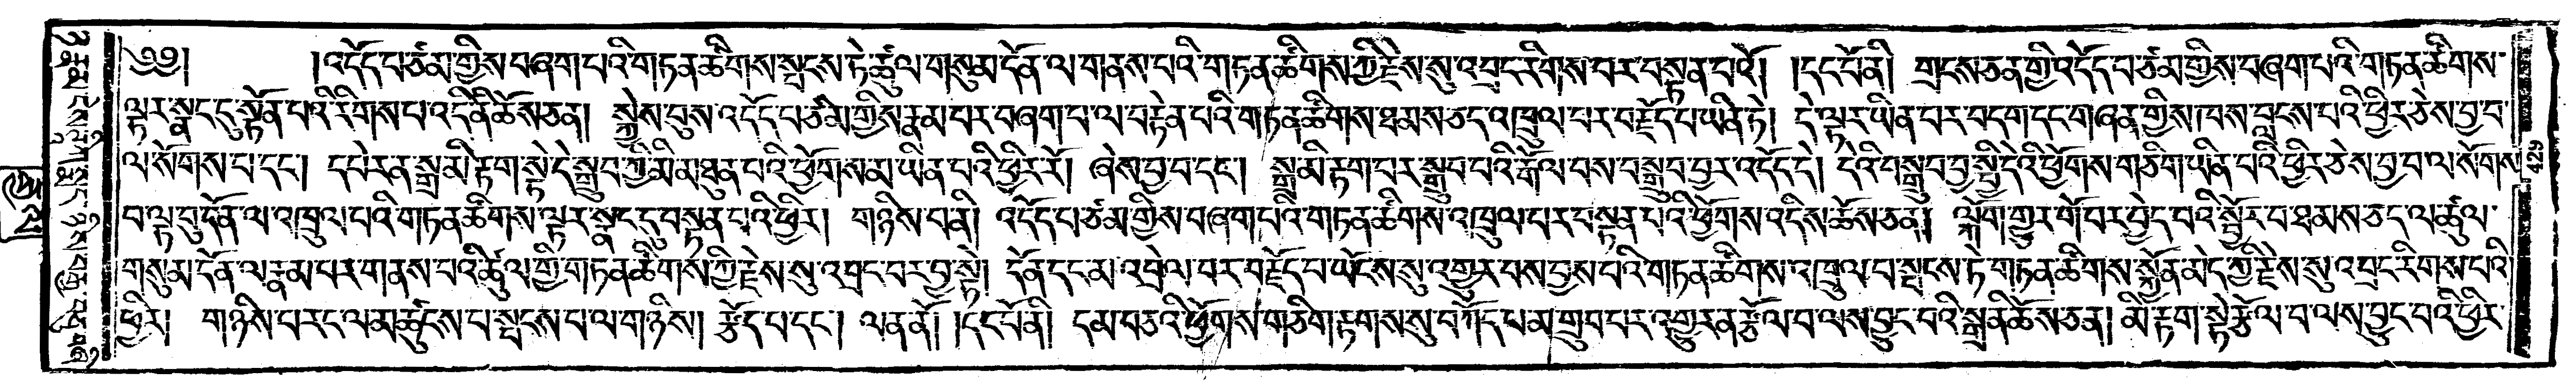༄༅། །འདོད་པ་ཙམ་གྱིས་བཞག་པའི་གཏན་ཚིགས་སྤངས་ཏེ་ཚུལ་གསུམ་དོན་ལ་གནས་པའི་གཏན་ཚིགས་ཀྱི་རྗེས་སུ་འབྲང་རིགས་བར་བསྟན་པའོ། །དང་པོ་ནི། གྲངས་ཅན་གྱི་འདོད་བ་ཙམ་གྱིས་བཞག་པའི་གཏན་ཚིགས་
ལྟར་སྣང་དུ་སྟོན་པའི་རིགས་པ་འདི་ནི་ཆོས་ཅན། སྐྱེས་བུས་འདོད་པ་ཙམ་གྱིས་རྣམ་པར་བཞག་པ་ལ་བརྟེན་པའི་གཏན་ཚིགས་ཐམས་ཅད་འཁྲུལ་པར་བརྗོད་པ་ཡིན་ཏེ། དེ་ལྟར་ཡིན་པར་བདག་དང་གཞན་གྱིས་ཁས་བླངས་པའི་ཕྱིར་ཅེས་བྱ་བ་
ལ་སོགས་པ་དང་། དཔེར་ན་སྒྲ་མི་རྟག་སྟེ་དེ་སྒྲུབ་ཀྱི་མི་མཐུན་པའི་ཕྱོགས་མ་ཡིན་པའི་ཕྱིར་རོ། ཞེས་བྱ་བ་དང་། སྒྲ་མི་རྟག་པར་སྒྲུབ་པའི་རྒོལ་བས་བསྒྲུབ་བྱར་འདོད་དེ། དེའི་བསྒྲུབ་བྱ་སྤྱི་དེའི་ཕྱོགས་གཅིག་ཡིན་པའི་ཕྱིར་ཅེས་བྱ་བ་ལ་སོགས་
བ་ལྟ་བུ་དོན་ལ་འཁྲུལ་པའི་གཏན་ཚིགས་ལྟར་སྣང་དུ་བསྟན་པའི་ཕྱིར། གཉིས་པ་ནི། འདོད་པ་ཙམ་གྱིས་བཞག་པའི་གཏན་ཚིགས་འཁྲུལ་པར་བསྟན་པའི་ཕྱོགས་འདིས་ཆོས་ཅན། ལྐོག་གྱུར་གོ་བར་བྱེད་བའི་སྦྱོར་བ་ཐམས་ཅད་ལ་ཚུལ་
གསུམ་དོན་ལ་རྣམ་པར་གནས་པའི་ཚུལ་གྱི་གཏན་ཚིགས་ཀྱི་རྗེས་སུ་འབྲང་བར་བྱ་སྟེ། དོན་དང་མ་འབྲེལ་བར་བརྗོད་པ་ཡོངས་སུ་འགྱུར་བས་བྱས་པའི་གཏན་ཚིགས་འཁྲུལ་པ་སྤངས་ཏེ་གཏན་ཚིགས་སྐྱོན་མེད་ཀྱི་རྗེས་སུ་འབྲང་རིགས་པའི་
ཕྱིར། གཉིས་པ་རང་ལ་མཚུངས་པ་སྤངས་པ་ལ་གཉིས། རྩོད་པ་དང་། ལན་ནོ། །དང་པོ་ནི། དམ་བཅའི་ཕྱོགས་གཅིག་རྟགས་སུ་བཀོད་པ་མ་གྲུབ་པར་འགྱུར་ན་རྩོལ་བ་ལས་བྱུང་བའི་སྒྲ་ནི་ཆོས་ཅན། མི་རྟག་སྟེ་རྩོལ་བ་ལས་བྱུང་བའི་ཕྱིར་